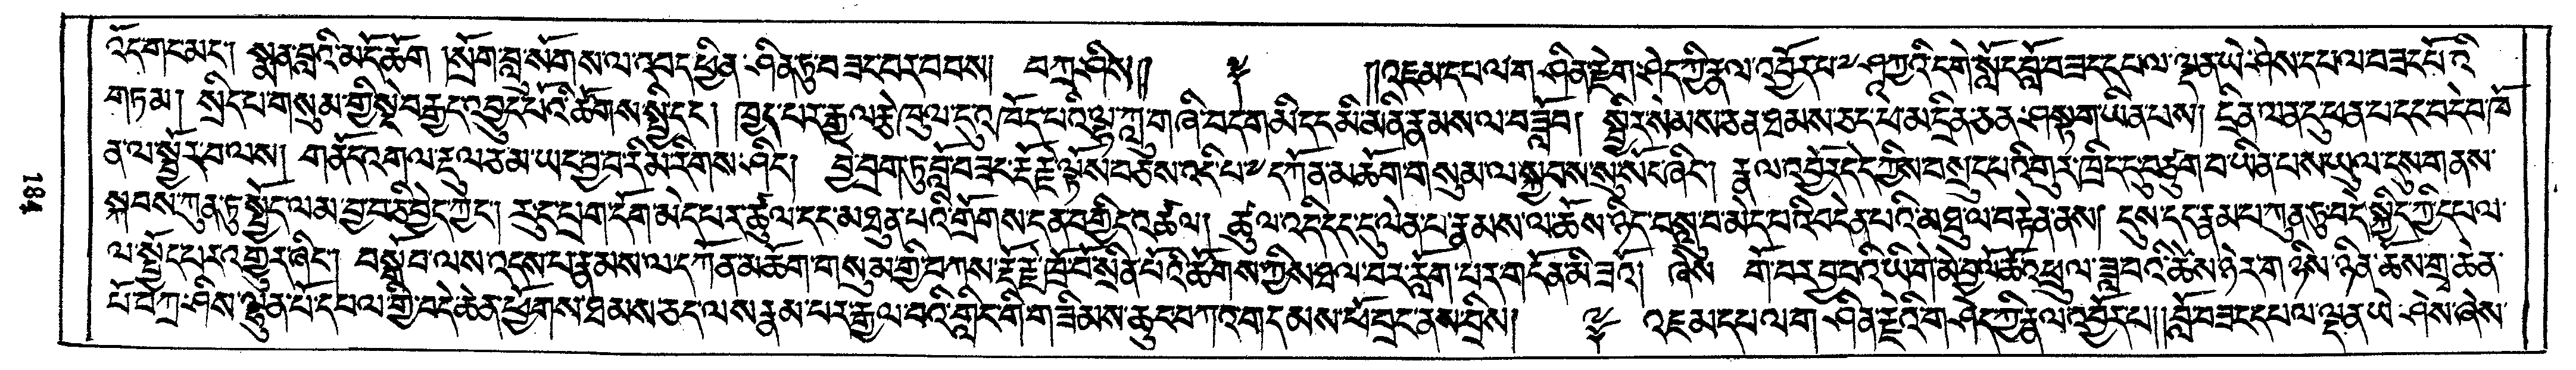འོད་གང་མང་། སྨན་བླའི་མདོ་ཆོག །སྲོག་བླ་སོགས་ལ་འབད་ཕྱིན་ཤིན་ཏུ་བཟང་བར་བབས། བཀྲ་ཤིས།། ༈ །།འཇམ་དཔལ་གཤིན་རྗེ་གཤེད་ཀྱི་རྣལ་འབྱོར་པ ༧ཤཱཀྱའི་དགེ་སློང་བཟང་དཔལ་ལྡན་ཡེ་ཤེས་དཔལ་བཟང་པོའི་
གཏམ། སྲིད་པ་གསུམ་གྱི་སྡེ་བརྒྱད་འབྱུང་པོའི་ཚོགས་སྤྱི་དང་། ཁྱད་པར་རྒྱལ་རྩེ་ཁུལ་དུ་འཁོང་པའི་ལྷ་ཀླུ་གཞི་བདག་མི་དང་མི་མིན་རྣམས་ལ་བཟློ་བ། སྤྱིར་སེམས་ཅན་ཐམས་ཅད་ཕ་མ་དྲིན་ཅན་ཤ་སྟག་ཡིན་པས། དྲིན་ལན་དུ་ཕན་པ་དང་བདེ་བ་ཁོ་
ན་ལ་སྦྱོར་བ་ལས། གནོད་འགལ་རྡུལ་ཙམ་ཡང་བྱ་བར་མི་རིགས་ཤིང་། བྱེ་བྲག་ཏུ་བློ་བཟང་རྡོ་རྗེ་ལྟོས་བཅས་འདི་པ ༧དཀོན་མཆོག་གསུམ་ལ་སྐྱབས་སུ་སོང་ཞིང་། རྣལ་འབྱོར་དེད་ཀྱིས་བསྲུང་བའི་གུར་ཁང་དུ་བཅུག་པ་ཡིན་པས་ཡུལ་དུས་གནས་
སྐབས་ཀུན་ཏུ་སྦྱོད་ལམ་བྱ་བ་ཅི་བྱེད་ཀྱང་། རུ་ང་ཕྲག་དོག་མེད་པར་ཚུལ་དང་མཐུན་པའི་གྲོགས་ངན་བགྱིད་འཚལ། ཚུལ་འདི་དང་དུ་ལེན་པ་རྣམས་ལ་ཆོས་ཉིད་བསླུ་བ་མེད་པའི་བདེན་པའི་མཐུ་ལ་བརྟེན་ནས། དུས་དང་རྣམ་པ་ཀུན་ཏུ་བདེ་སྐྱིད་ཀྱི་དཔལ་
ལ་སྦྱོང་པར་འགྱུར་ཞིང་། བསྒོ་བ་ལས་འདས་པ་རྣམས་ལ་དཀོན་མཆོག་གསུམ་གྱི་བཀས་རྡོ་རྗེ་ཁྲོ་པོ་སྲིན་པོའི་ཚོགས་ཀྱིས་ཐལ་བར་རློག་པར་གདོན་མི་ཟའོ། ཞེས༑ གོ་བར་བྱ་བའི་ཡི་གེ་མེ་བྱའོ་ཆོ་འཕྲུལ་ཟླ་བའི་ཚེས་ཉེར་གཉིས་ཉིན་ཆོས་གྲྭ་ཆེན་
པོ་བཀྲ་ཤིས་ལྷུན་པོ་དཔལ་གྱི་བདེ་ཆེན་ཕྱོགས་ཐམས་ཅད་ལས་རྣམ་པར་རྒྱལ་བའི་གླིང་གི་གཟིམས་ཆུང་བཀའ་གདམས་ཕོ་བྲང་ནས་བྲིས། འ་འཇམ་དཔལ་གཤིན་རྗེའི་གཤེད་ཀྱི་རྣལ༑ འབྱོར་པ། །བློ་བཟང་དཔལ་ལྡན་ཡེ་ཤེས་ཞེས་